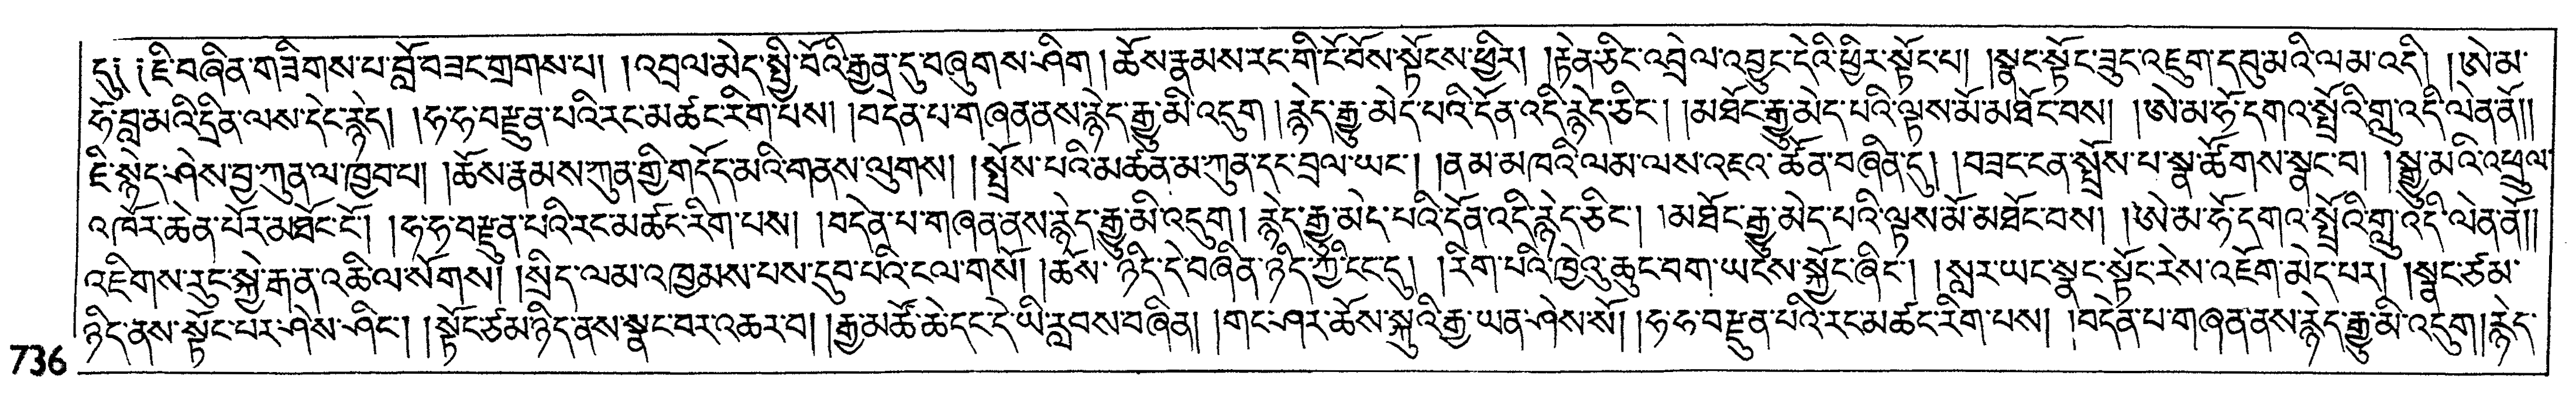དུ། །ཇི་བཞིན་གཟིགས་པ་བློ་བཟང་གྲགས་པ། །འབྲལ་མེད་སྤྱི་བོའི་རྒྱན་དུ་བཞུགས་ཤིག །ཆོས་རྣམས་རང་གི་ངོ་བོས་སྟོངས་ཕྱིར། །རྟེན་ཅིང་འབྲེལ་འབྱུང་དེའི་ཕྱིར་སྟོང་པ། །སྣང་སྟོང་ཟུང་འཇུག་དབུ་མའི་ལམ་འདི། །ཨེ་མ་
ཧོ་བླ་མའི་དྲིན་ལས་དེང་རྙེད། །ཧ་ཧ་བརྫུན་པའི་རང་མཚང་རིག་པས། །བདེན་པ་གཞན་ནས་རྙེད་རྒྱུ་མི་འདུག །རྙེད་རྒྱུ་མེད་པའི་དོན་འདི་རྙེད་ཅིང་། །མཐོང་རྒྱུ་མེད་པའི་ལྟས་མོ་མཐོང་བས། །ཨེ་མ་ཧོ་དགའ་སྤྲོའི་གླུ་འདི་ལེན་ནོ། །
ཇི་སྙེད་ཤེས་བྱ་ཀུན་ལ་ཁྱབ་པ། །ཆོས་རྣམས་ཀུན་གྱི་གདོད་མའི་གནས་ལུགས། །སྤྲོས་པའི་མཚན་མ་ཀུན་དང་བྲལ་ཡང་། །ནམ་མཁའི་ལམ་ལས་འཇའ་ཚོན་བཞིན་དུ། །བཟང་ངན་སྤྲོས་པ་སྣ་ཚོགས་སྣང་བ། །སྒྱུ་མའི་འཕྲུལ་
འཁོར་ཆེན་པོར་མཐོང་ངོ། །ཧ་ཧ་བརྫུན་པའི་རང་མཚང་རིག་པས། །བདེན་པ་གཞན་ནས་རྙེད་རྒྱུ་མི་འདུག །རྙེད་རྒྱུ་མེད་པའི་དོན་འདི་རྙེད་ཅིང་། །མཐོང་རྒྱུ་མེད་པའི་ལྟས་མོ་མཐོང་བས། །ཨེ་མ་ཧོ་དགའ་སྤྲོའི་གླུ་འདི་ལེན་ནོ། །
འཇིགས་རུང་སྐྱེ་རྒ་ན་འཆི་ལ་སོགས། །སྲིད་ལམ་འཁྱམས་པས་དུབ་པའི་ངལ་གསོ། །ཆོས་ཉིད་དེ་བཞིན་ཉིད་ཀྱི་ངང་དུ། །རིག་པའི་ཁྱེའུ་ཆུང་བག་ཡངས་སྐྱོང་ཞིང་། །སླར་ཡང་སྣང་སྟོང་རེས་འཇོག་མེད་པར། །སྣང་ཙམ་
ཉིད་ནས་སྟོང་པར་ཤེས་ཤིང་། །སྟོང་ཙམ་ཉིད་ནས་སྣང་བར་འཆར་བ། །རྒྱ་མཚོ་ཆེ་དང་དེ་ཡི་རླབས་བཞིན། །གང་ཤར་ཆོས་སྐུའི་རྒྱ་ཡན་ཤེས་སོ། །ཧ་ཧ་བརྫུན་པའི་རང་མཚང་རིག་པས། །བདེན་པ་གཞན་ནས་རྙེད་རྒྱུ་མི་འདུག །རྙེད་